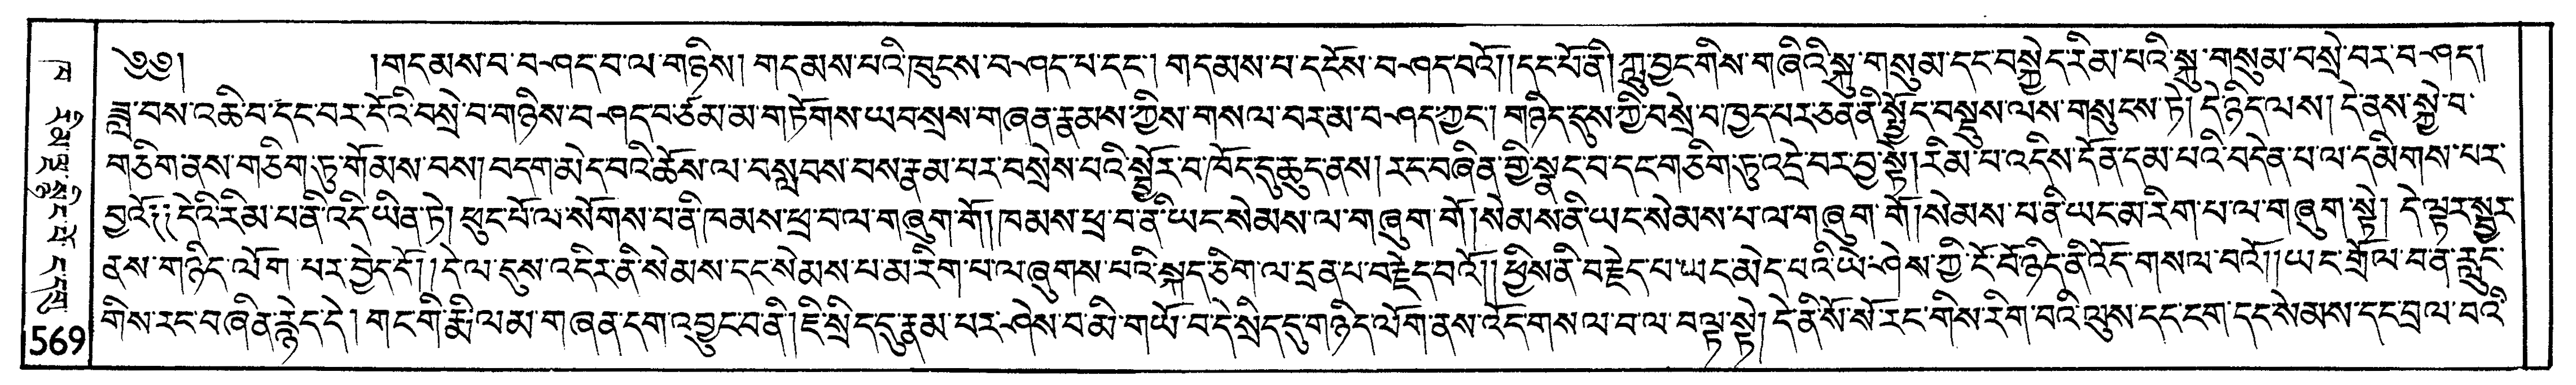༄༅། །གདམས་བ་བཤད་བ་ལ་གཉིས། གདམས་པའི་ཁུངས་བཤད་པ་དང་། གདམས་པ་དངོས་བཤད་བའོ། །དང་པོ་ནི། ཀླུ་བྱང་གིས་གཞིའི་སྐུ་གསུམ་དང་བསྐྱེད་རིམ་པའི་སྐུ་གསུམ་བསྲེ་བར་བཤད།
ཟླ་བས་འཆི་བ་དང་བར་དོའི་བསྲེ་བ་གཉིས་བཤད་བ་ཙམ་མ་གཏོགས་ཡབ་སྲས་གཞན་རྣམས་ཀྱིས་གསལ་བར་མ་བཤད་ཀྱང་། གཉིད་དུས་ཀྱི་བསྲེ་བ་ཁྱད་པར་ཅན་ནི་སྤྱོད་བསྡུས་ལས་གསུངས་ཏེ། དེ་ཉིད་ལས། དེ་ནས་སྐྱེ་བ་
གཅིག་ནས་གཅིག་ཏུ་གོམས་བས། བདག་མེད་བའི་ཆོས་ལ་བསླབས་པས་རྣམ་པར་བསྲེས་པའི་སྦྱོར་བ་ཁོང་དུ་ཆུད་ནས། རང་བཞིན་གྱི་སྣང་བ་དང་གཅིག་ཏུ་འདྲེ་བར་བྱ་སྟེ། རིམ་པ་འདིས་དོན་དམ་པའི་བདེན་པ་ལ་དམིགས་པར་
བྱའོ༑ ༑དེའི་རིམ་པ་ནི་འདི་ཡིན་ཏེ། ཕུང་པོ་ལ་སོགས་པ་ནི་ཁམས་ཕྲ་བ་ལ་གཞུག་གོ །ཁམས་ཕྲ་བ་ནི་ཡང་སེམས་ལ་གཞུག་གོ །སེམས་ནི་ཡང་སེམས་པ་ལ་གཞུག་གོ །སེམས་པ་ནི་ཡང་མ་རིག་པ་ལ་གཞུག་སྟེ། དེ་ལྟར་སྦྱར་
ནས་གཉིད་ལོག་པར་བྱེད་དོ། །དེ་ལ་དུས་འདིར་ནི་སེམས་དང་སེམས་པ་མ་རིག་པ་ལ་ཞུགས་པའི་སྐད་ཅིག་ལ་དྲན་པ་བརྗེད་བའོ། །ཕྱིས་ནི་བརྗེད་པ་ཡང་མེད་པའི་ཡེ་ཤེས་ཀྱི་ངོ་བོ་ཉིད་ནི་འོད་གསལ་བའོ། །ཡང་གྲོལ་བ་ན་རླུང་
གིས་རང་བཞིན་རྙེད་དེ། གང་གི་རྨི་ལམ་གཞན་དག་འབྱུང་བ་ནི། ཇི་སྲིད་དུ་རྣམ་པར་ཤེས་བ་མི་གཡོ་བ་དེ་སྲིད་དུ་གཉིད་ལོག་ནས་འོད་གསལ་བ་ལ་བལྟ་སྟེ། དེ་ནི་སོ་སོ་རང་གིས་རིག་པའི་ལུས་དང་ངག་དང་སེམས་དང་བྲལ་བའི་